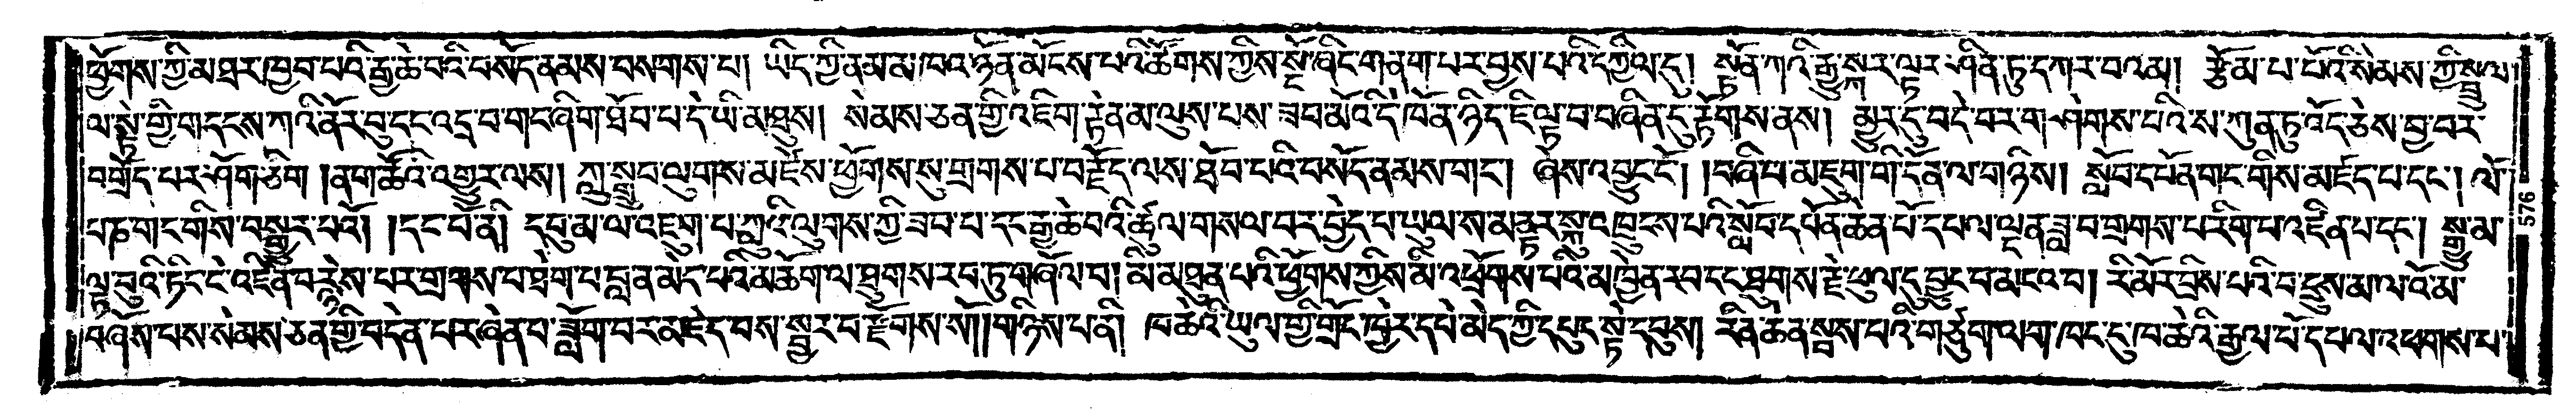ཕྱོགས་ཀྱི་མཐར་ཁྱབ་པའི་རྒྱ་ཆེ་བའི་བསོད་ནམས་བསགས་པ། ཡིད་ཀྱི་ནམ་མཁའ་ཉོན་མོངས་པའི་ཚོགས་ཀྱིས་སྔོ་ཞིང་གནག་པར་བྱས་པའི་དཀྱིལ་དུ། སྟོན་ཀའི་རྒྱུ་སྐར་ལྟར་ཤིན་ཏུ་དཀར་བའམ། རྩོམ་པ་པོའི་སེམས་ཀྱི་སྦྲུལ་
ལ་སྟེ་གྱི་གདེངས་ཀའི་ནོར་བུ་དང་འདྲ་བ་གང་ཞིག་ཐོབ་པ་དེ་ཡི་མཐུས། སེམས་ཅན་གྱི་འཇིག་རྟེན་མ་ལུས་པས་ཟབ་མོའི་དེ་ཁོ་ན་ཉིད་ཇི་ལྟ་བ་བཞིན་དུ་རྟོགས་ནས། མྱུར་དུ་བདེ་བར་གཤེགས་པའི་ས་ཀུན་ཏུ་འོད་ཅེས་བྱ་བར་
བགྲོད་པར་ཤོག་ཅིག །ནག་ཚོའི་འགྱུར་ལས། ཀླུ་སྒྲུབ་ལུགས་མཛེས་ཕྱོགས་སུ་གྲགས་པ་བརྗོད་ལས་ཐོབ་པའི་བསོད་ནམས་གང་། ཞེས་འབྱུང་ངོ། །བཞི་པ་མཇུག་གི་དོན་ལ་གཉིས། སློབ་དཔོན་གང་གིས་མཛད་པ་དང་། ལོ་
པཎ་གང་གིས་བསྒྱུར་བའོ། །དང་པོ་ནི། དབུ་མ་ལ་འཇུག་པ་ཀླུའི་ལུགས་ཀྱི་ཟབ་པ་དང་རྒྱ་ཆེ་བའི་ཚུལ་གསལ་བར་བྱེད་པ་ཡུལ་ས་མཎྚར་སྐུ་འཁྲུངས་པའི་སློབ་དཔོན་ཆེན་པོ་དཔལ་ལྡན་ཟླ་བ་གྲགས་པ་རིག་པ་འཛིན་པ་དང་། སྒྱུ་མ་
ལྟ་བུའི་ཏིང་ངེ་འཛིན་བརྙེས་པར་གྲགས་པ་ཐེག་པ་བླ་ན་མེད་པའི་མཆོག་ལ་ཐུགས་རབ་ཏུ་གཞོལ་བ། མི་མཐུན་པའི་ཕྱོགས་ཀྱིས་མི་འཕྲོགས་པའི་མཁྱེན་རབ་དང་ཐུགས་རྗེ་ཕུལ་དུ་བྱུང་བ་མངའ་བ། རི་མོར་བྲིས་པའི་བ་དྲུས་མ་ལ་འོ་མ་
བཞོས་པས་སེམས་ཅན་གྱི་བདེན་པར་ཞེན་པ་ཟློག་པར་མཛད་པས་སྦྱར་བ་རྫོགས་སོ། །གཉིས་པ་ནི། ཁ་ཆེའི་ཡུལ་གྱི་གྲོང་ཁྱེར་དཔེ་མེད་ཀྱི་དཔུང་སྟེ་དབུས། རིན་ཆེན་སྦས་པའི་གཙུག་ལག་ཁང་དུ་ཁ་ཆེའི་རྒྱལ་པོ་དཔལ་འཕགས་པ་